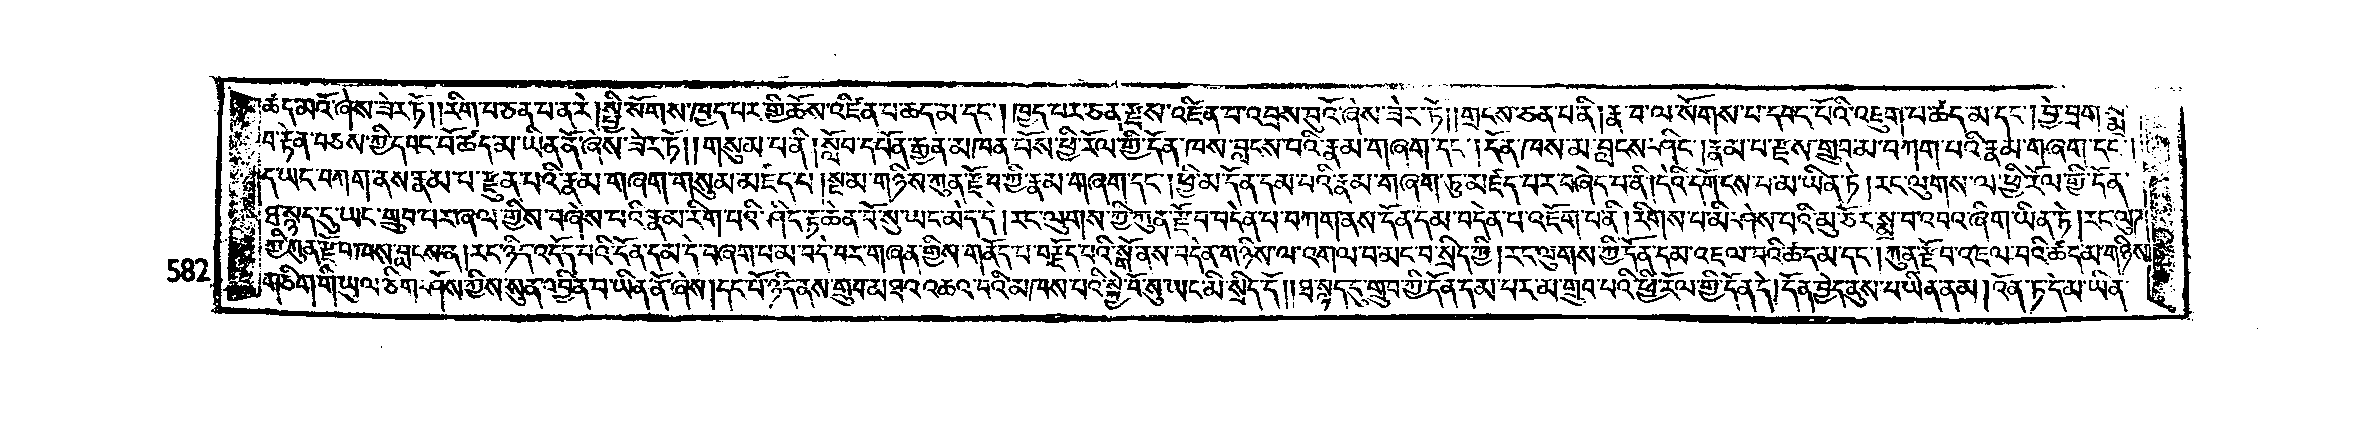ཚད་མའོ་ཞེས་ཟེར་ཏོ། །རིག་པ་ཅན་པ་ན་རེ། སྤྱི་སོགས་ཁྱད་པར་གྱི་ཆོས་འཛིན་པ་ཚད་མ་དང་། ཁྱད་པར་ཅན་རྫས་འཛིན་པ་འབྲས་བུའོ་ཞེས་ཟེར་ཏོ། །གྲངས་ཅན་པ་ནི། རྣ་བ་ལ་སོགས་པ་དབང་པོའི་འཇུག་པ་ཚད་མ་དང་། བྱེ་བྲག་སྨྲ་
བ་རྟེན་བཅས་ཀྱི་དབང་པོ་ཚད་མ་ཡིན་ནོ་ཞེས་ཟེར་ཏོ། །གསུམ་པ་ནི། སློབ་དཔོན་རྒྱན་མཁན་པོས་ཕྱི་རོལ་གྱི་དོན་ཁས་བླངས་པའི་རྣམ་གཞག་དང་། དོན་ཁས་མ་བླངས་ཤིང་། རྣམ་པ་རྫས་གྲུབ་མ་བཀག་པའི་རྣམ་གཞག་དང་།
དེ་ཡང་བཀག་ནས་རྣམ་པ་རྫུན་པའི་རྣམ་གཞག་གསུམ་མཛད་པ། སྔ་མ་གཉིས་ཀུན་རྫོབ་ཀྱི་རྣམ་གཞག་དང་། ཕྱི་མ་དོན་དམ་པའི་རྣམ་གཞག་ཏུ་མཛད་པར་བཞེད་པ་ནི། དེའི་དགོངས་པ་མ་ཡིན་ཏེ། རང་ལུགས་ལ་ཕྱི་རོལ་གྱི་དོན་
ཐ་སྙད་དུ་ཡང་གྲུབ་པར་ཞལ་གྱིས་བཞེས་པའི་རྣམ་རིག་པའི་ཤིང་རྟ་ཆེན་པོ་སུ་ཡང་མེད་དེ། རང་ལུགས་ཀྱི་ཀུན་རྫོབ་བདེན་པ་བཀག་ནས་དོན་དམ་བདེན་པ་འཇོག་པ་ནི། རིགས་པ་མི་ཤེས་པའི་མུ་ཅོར་སྨྲ་བ་འབའ་ཞིག་ཡིན་ཏེ། རང་ལུགས་
ཀྱི་ཀུན་རྫོབ་ཁས་བླངས་ན། རང་ཉིད་འདོད་པའི་དོན་དམ་དེ་བཞག་པ་མ་བདེ་བར་གཞན་གྱིས་གནོད་པ་བརྗོད་པའི་སྒོ་ནས་བདེན་གཉིས་ལ་འགལ་བ་མང་བ་སྲིད་ཀྱི། རང་ལུགས་ཀྱི་དོན་དམ་འཇལ་བའི་ཚད་མ་དང་། ཀུན་རྫོབ་འཇལ་བའི་ཚད་མ་གཉིས་
གཅིག་གི་ཡུལ་ཅིག་ཤོས་ཀྱིས་སུན་འབྱིན་པ་ཡིན་ནོ་ཞེས། དང་པོ་ཉིད་ནས་གྲུབ་མཐའ་འཆའ་བའི་མཁས་པའི་སྐྱེ་བོ་སུ་ཡང་མི་སྲིད་དོ། །ཐ་སྙད་དུ་གྲུབ་ཀྱི་དོན་དམ་པར་མ་གྲུབ་པའི་ཕྱི་རོལ་གྱི་དོན་དེ། དོན་བྱེད་ནུས་པ་ཡིན་ནམ། འོན་ཏ་དེ་མ་ཡིན་